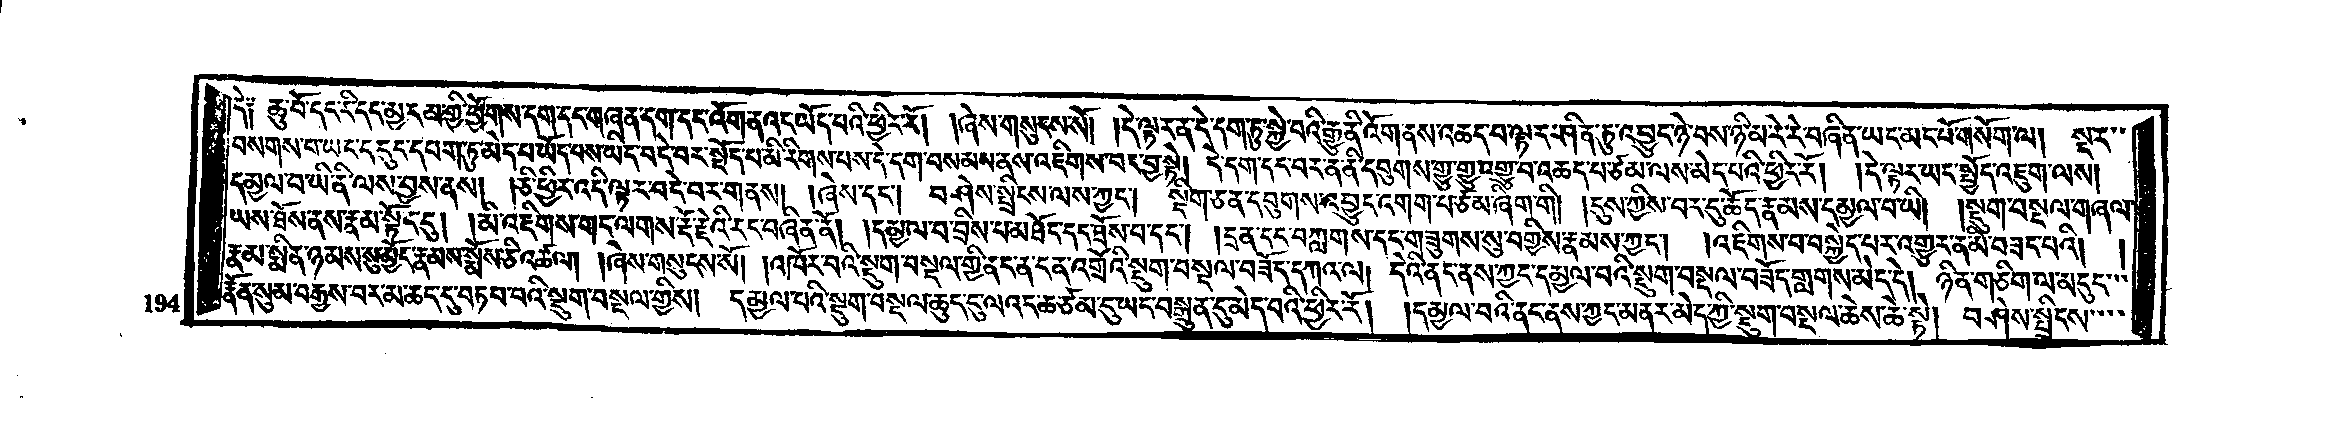དེ༑ ཆུ་བོ་དང་རི་དང་མྱ་ངམ་གྱི་ཕྱོགས་དག་དང་གཞན་དག་དང་འོག་ནའང་ཡོད་པའི་ཕྱིར་རོ། །ཞེས་གསུངས་སོ། །དེ་ལྟར་ན་དེ་དག་ཏུ་སྐྱེ་བའི་རྒྱུ་ནི་འོག་ནས་འཆད་པ་ལྟར་ཤིན་ཏུ་འབྱུང་ཉེ་བས་ཉི་མ་རེ་རེ་བཞིན་ཡང་མང་པོ་གསོག་ལ། སྔར་
བསགས་པ་ཡང་ད་དུང་དཔག་ཏུ་མེད་པ་ཡོད་པས་ཡིད་བདེ་བར་སྡོད་པ་མི་རིགས་པས་དེ་དག་བསམས་ནས་འཇིགས་པར་བྱ་སྟེ། དེ་དག་དང་པར་ན་ནི་དབུགས་གྱུ་གྱུ་འགྱུ་བ་འཆད་པ་ཙམ་ལས་མེད་པའི་ཕྱིར་རོ། །དེ་ལྟར་ཡང་སྤྱོད་འཇུག་ལས།
དམྱལ་བ་ཡི་ནི་ལས་བྱས་ནས། །ཅི་ཕྱིར་འདི་ལྟར་བདེ་བར་གནས། །ཞེས་དང་། བཤེས་སྤྲིངས་ལས་ཀྱང་། སྡིག་ཅན་དབུགས་འབྱུང་འགག་པ་ཙམ་ཞིག་གི། །དུས་ཀྱིས་བར་དུ་ཆོད་རྣམས་དམྱལ་བ་ཡི། །སྡུག་བསྔལ་གཞལ་
ཡས་ཐོས་ནས་རྣམ་སྟོང་དུ། །མི་འཇིགས་གང་ལགས་རྡོ་རྗེའི་རང་བཞིན་ནོ། །དམྱལ་བ་བྲིས་པ་མཐོང་དང་ཐོས་པ་དང་། །དྲན་དང་བཀླགས་དང་གཟུགས་སུ་བགྱིས་རྣམས་ཀྱང་། །འཇིགས་པ་བསྐྱེད་པར་འགྱུར་ན་མི་བཟད་པའི། །
རྣམ་སྨིན་ཉམས་སུ་མྱོང་རྣམས་སྨོས་ཅི་འཚལ། །ཞེས་གསུངས་སོ། །འཁོར་བའི་སྡུག་བསྔལ་གྱི་ནང་ན་ངན་འགྲོའི་སྡུག་བསྔལ་བཟོད་དཀའ་ལ། དེའི་ནང་ནས་ཀྱང་དམྱལ་བའི་སྡུག་བསྔལ་བཟོད་གླགས་མེད་དེ། ཉིན་གཅིག་ལ་མདུང་
རྣོན་སུམ་བརྒྱས་པར་མ་ཆད་དུ་བཏབ་པའི་སྡུག་བསྔལ་གྱིས། དམྱལ་བའི་སྡུག་བསྔལ་ཆུང་ངུ་ལའང་ཆ་ཙམ་དུ་ཡང་བསྒྲུན་དུ་མེད་པའི་ཕྱིར་རོ། །དམྱལ་བའི་ནང་ནས་ཀྱང་མནར་མེད་ཀྱི་སྡུག་བསྔལ་ཆེས་ཆེ་སྟེ། བཤེས་སྤྲིངས་